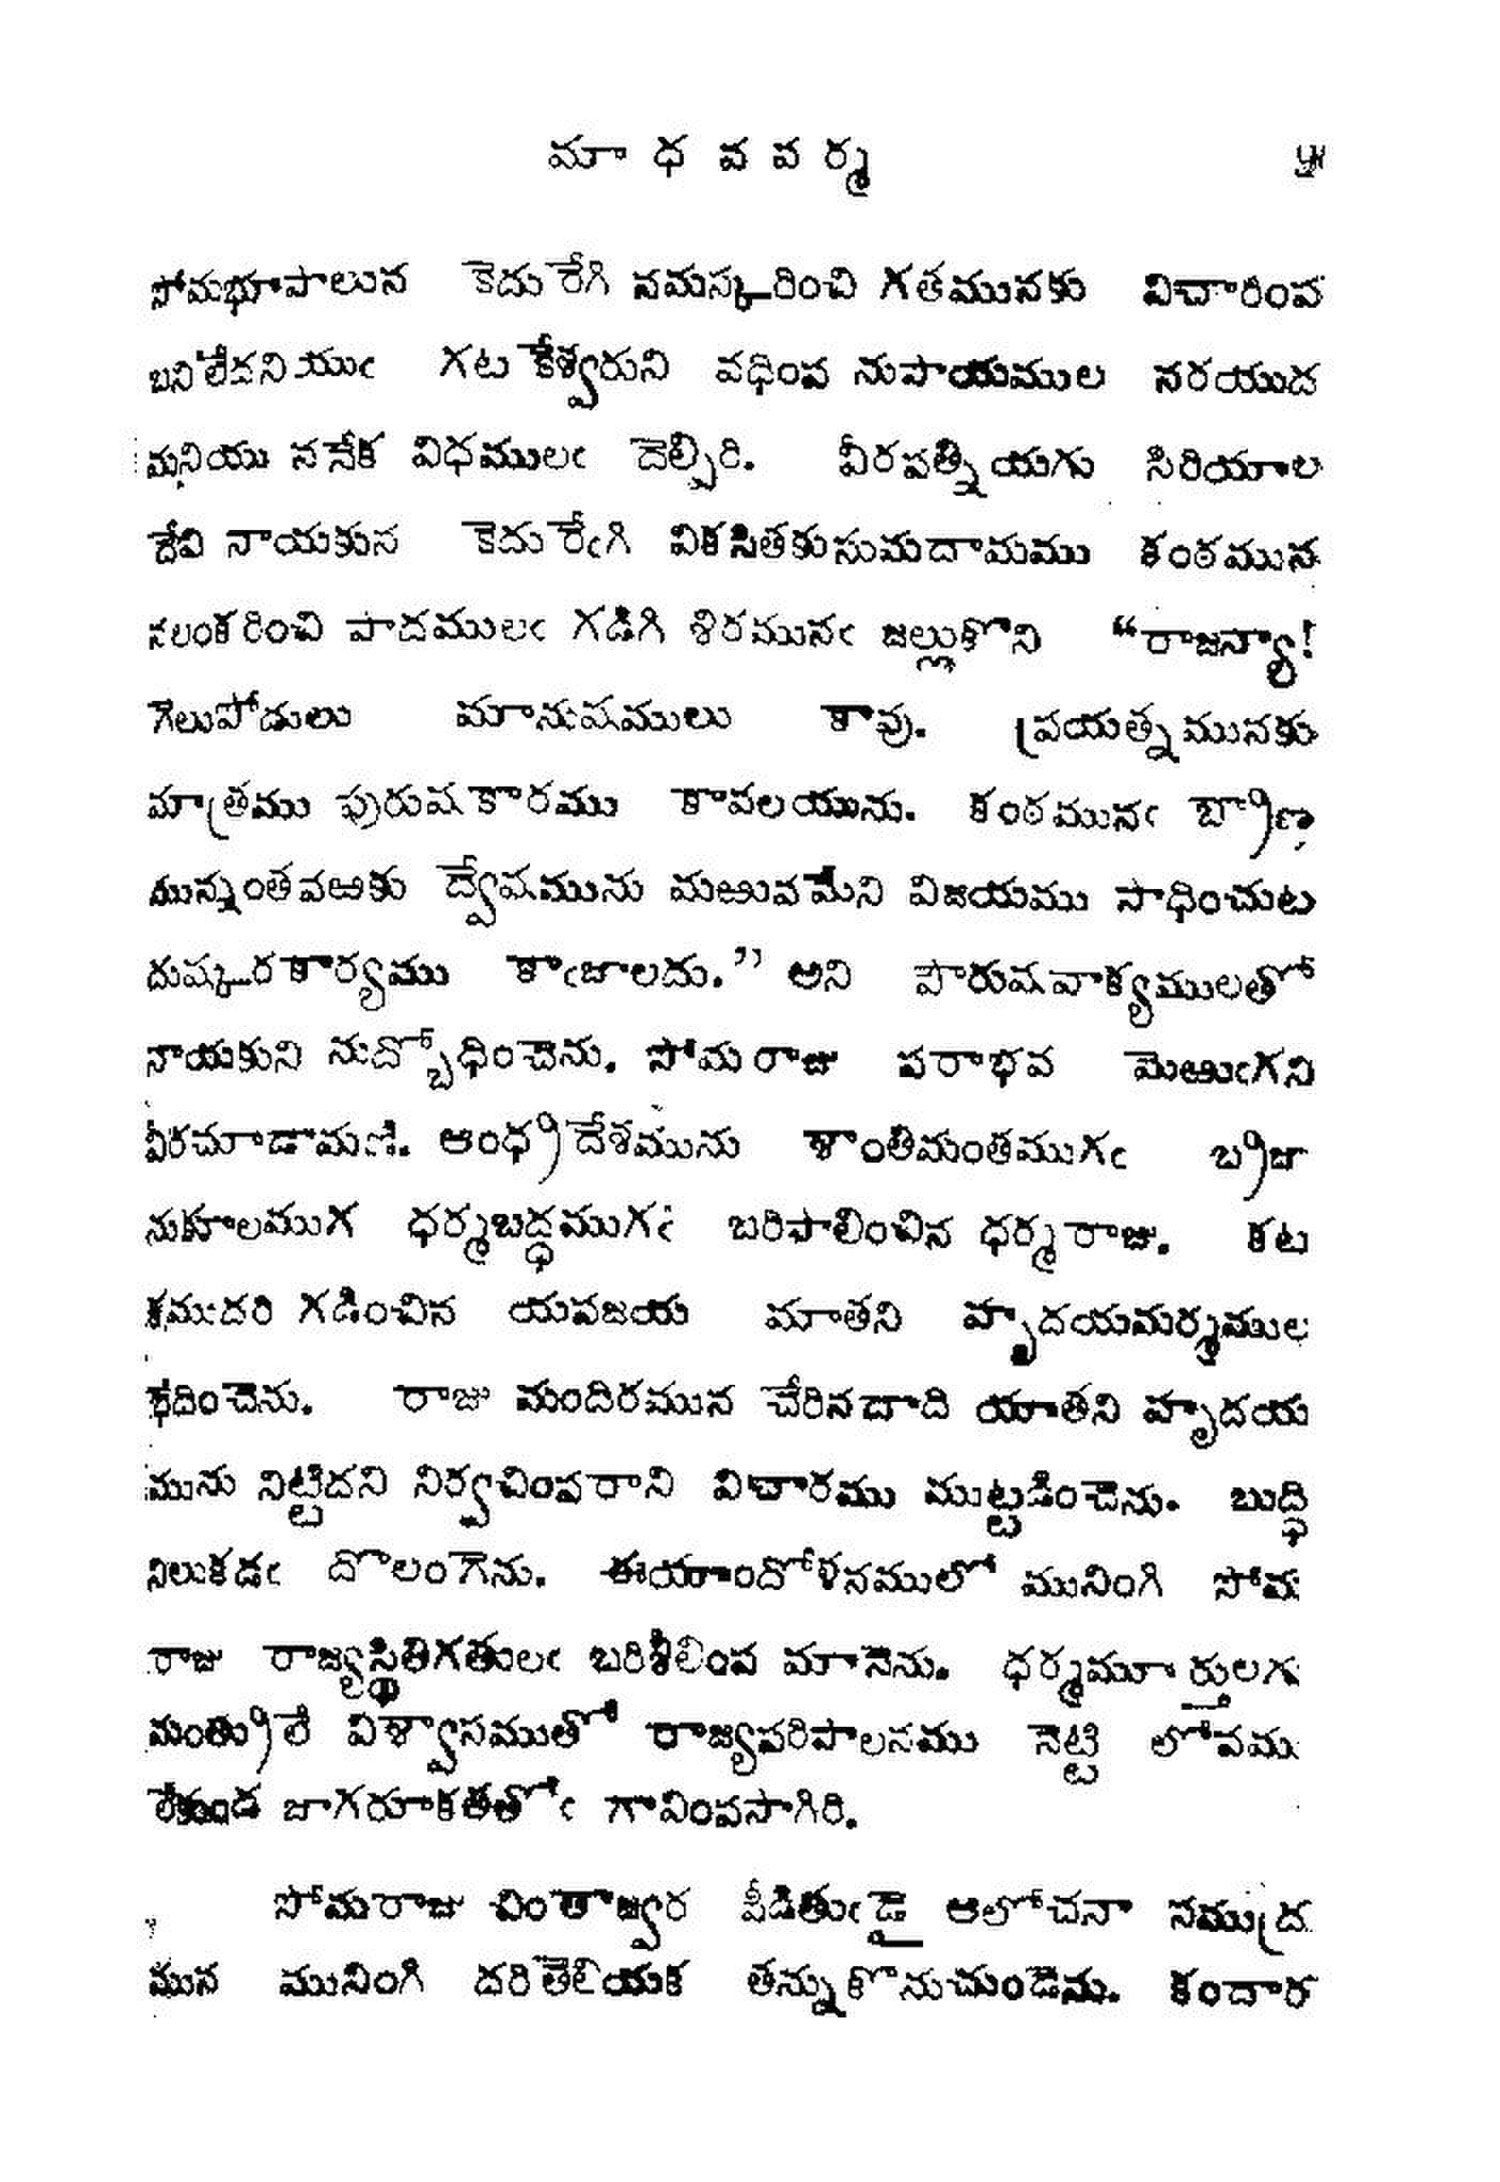సోమభూపాలున కెదురేగి నమస్కరి0చి గతమునకు విచారి0ప బనిలేదనియు గట కేశ్వరుని వద్ది0ప నుపాయముల
నరయుదమనియు ననేక విధముల దెల్పిరి. వీరపత్నియగు సిరియాల దేవి నాయకున కెదురేగి వికసితకునుమదామము క0ఠమున నల0కరి0చి పాదముల గడిగి శిరమున జల్లుకొని రాజన్యా గెలుపోదులు మానుషములు కావు. ప్రయత్నమునకు మాత్రము పురుషకారము కావలయును. క0ట్టమున బ్రాణ మున్న0తవరకు 
ద్వేషమును మరుమేని విజయము సాది0చుట దుష్కరకార్యము కాజాలదు. అని పౌరుషవాక్యములతో నాయకుని 
నుద్బోది0చెను. సోమరాజు పరాభవ మెరుగని వీరచూడామణీ. ఆ0ధ్రదేశమును శ0తిమ0తముగ బ్రజానుకూలముగ 
ధర్మబద్దముగ బరిపాలి0చిన ధర్మరాజు. కటకముదరి గడి0చిన యవజయ మాతని హ్రుదయమర్మముల భేది0చెను.
రాజుమ0దిరమున చేరినదాది యాతని హ్రుదయమును నిట్టిదని నిర్వచి0పరాని విచారము ముట్టది0చెను. 
బుద్ది నిలుకడ దొల0గెను. ఈయా0దోళనములో ముని0గి సోమరాజు రాజ్యస్థితిగతుల బరిశీలి0ప మానెను. ధర్మమూర్తులగు మ0తులే విశ్వాసముతో రాజ్యపరిపాలనము నెట్టి లోపము లేకు0డ జాగరూకతతో గావి0పసాగిరి. 
సోమరాజు చి0తాజ్వర పీడితుడై ఆలోచనా సముద్రమున ముని0గి దారితెలియక తన్నుకొనుచు0డెను. క0దార

.